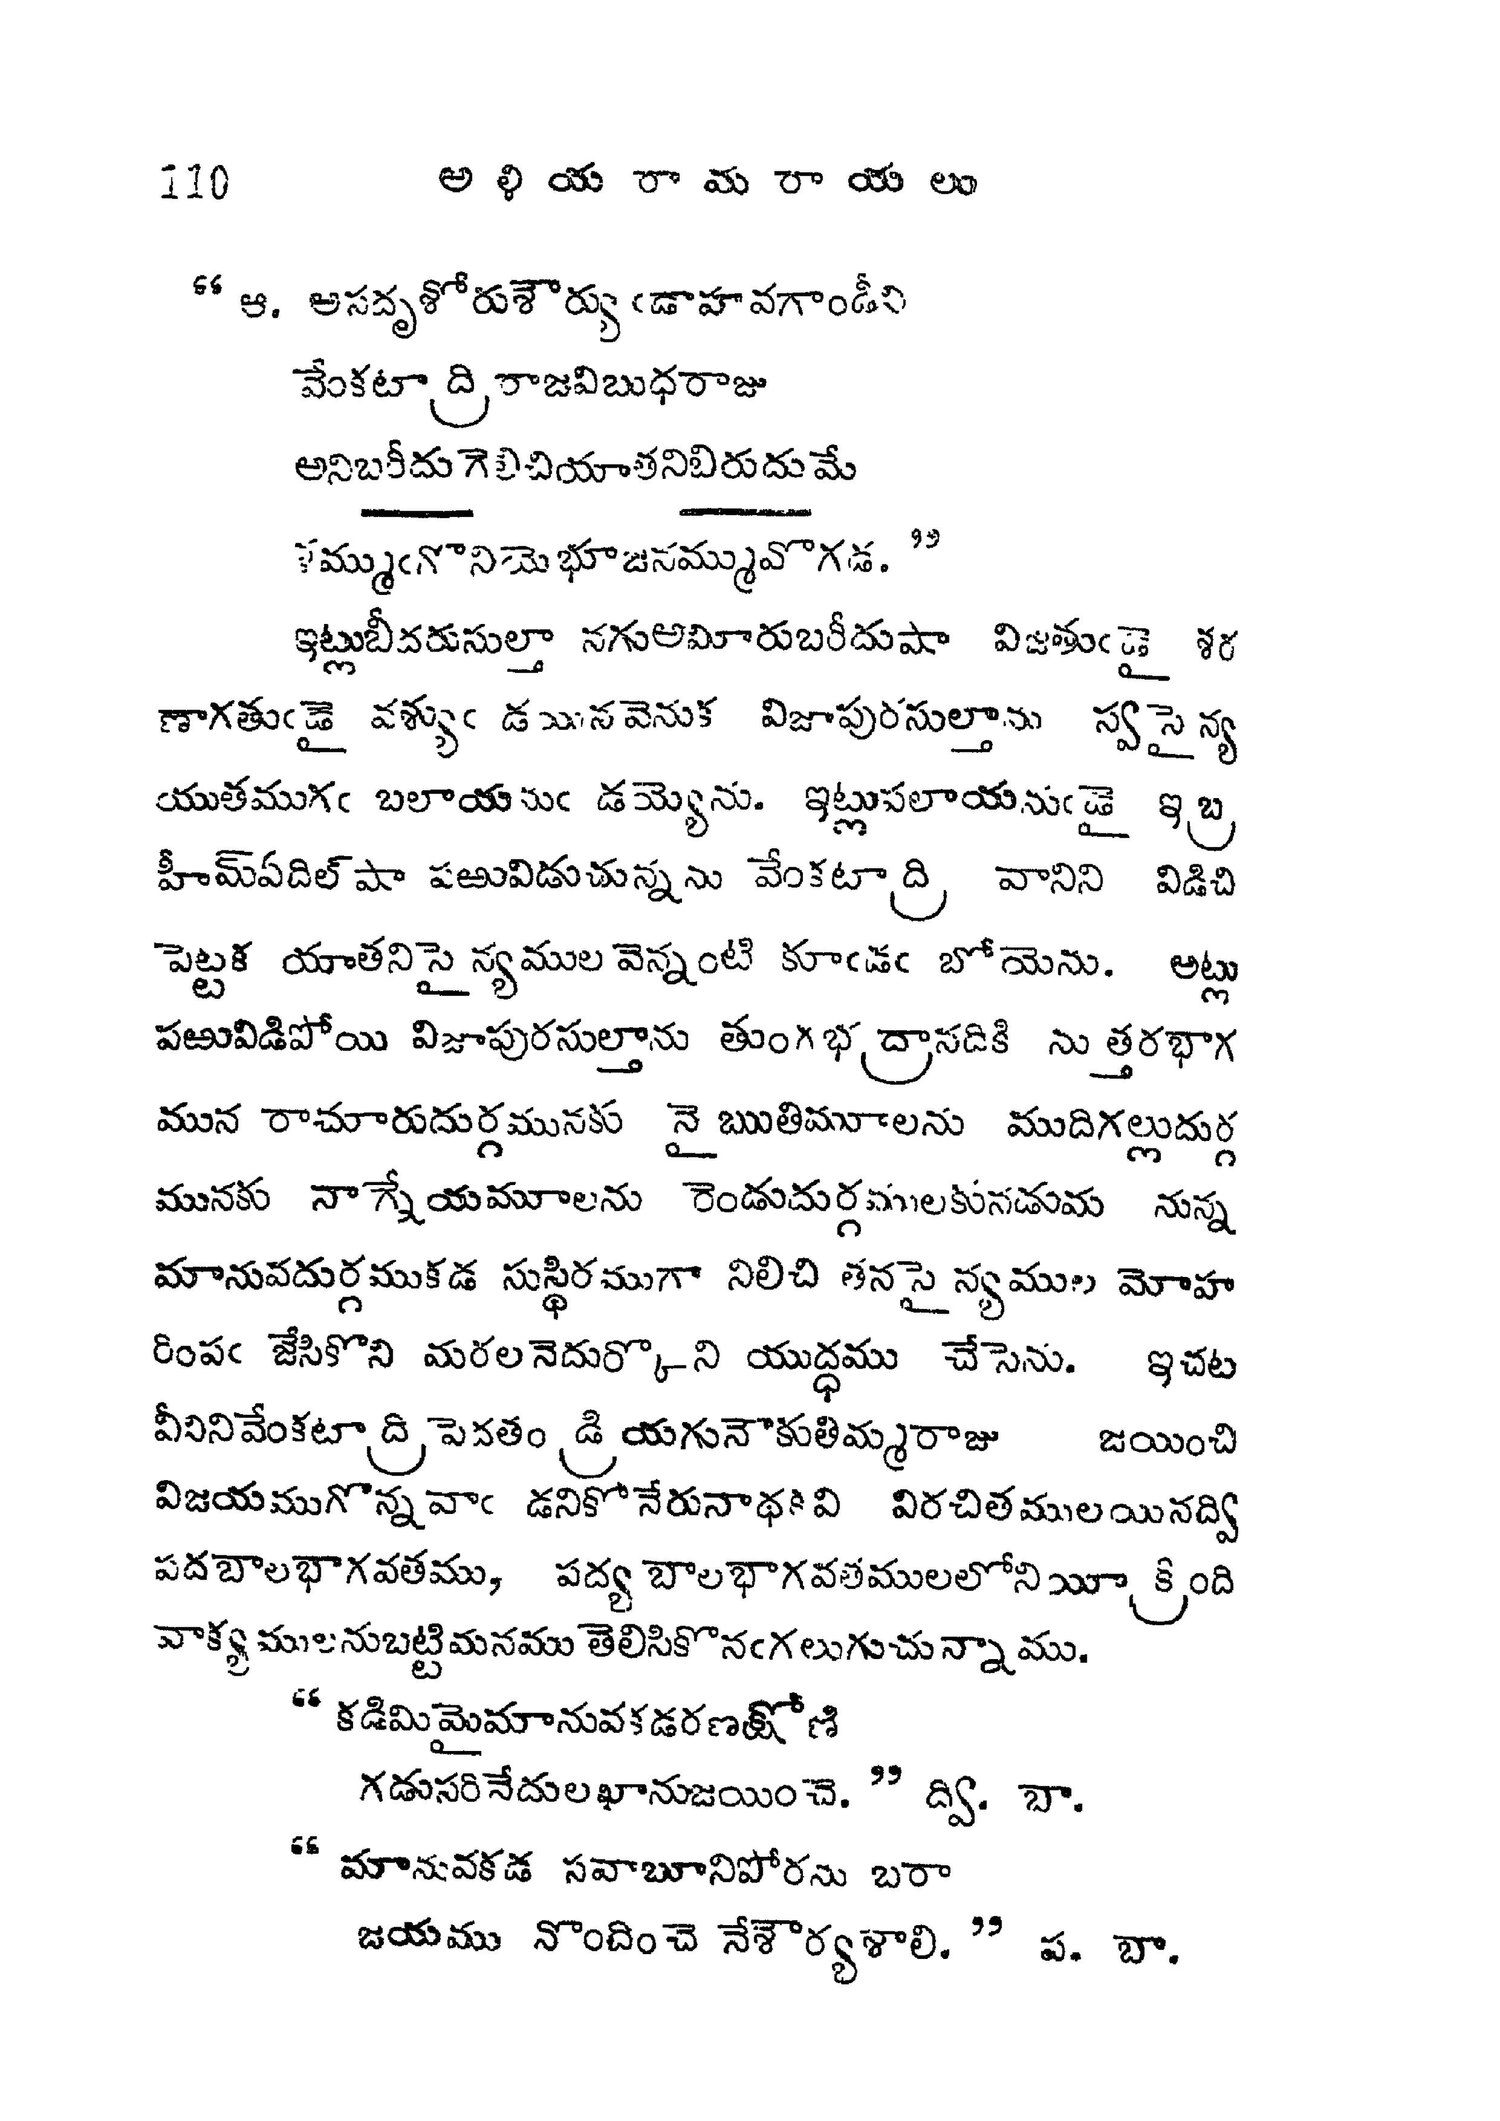"ఆ. అసదృశోరుశౌర్యు డాహవగాండీవి
 వేంకటాద్రి రాజవిబుధరాజు
 అనిబరీదుగెలిచియాతనిబిరుదుమే
 ళమ్ముగొనియెభూజనమ్మువొగడ."

ఇట్లుబీదరుసుల్తా నగుఅమీరుబరీదుషా విజితుడై శరణాగతుడై వశ్యు డయినవెనుక విజాపురసుల్తాను స్వసైన్య యుతముగ బలాయను డయ్యెను. ఇట్లుపలాయనుడై ఇబ్రహీమ్‌ఏదిల్‌షా పఱువిడుచున్నను వేంకటాద్రి వానిని విడిచి పెట్టక యాతనిసైన్యముల వెన్నంటి కూడ బోయెను. అట్లు పఱువిడిపోయి విజాపురసుల్తాను తుంగభద్రానదికి నుత్తరభాగమున రాచూరుదుర్గమునకు నైౠతిమూలను ముదిగల్లుదుర్గమునకు నాగ్నేయమూలను రెండుదుర్గములకునడుమ నున్న మానువదుర్గముకడ సుస్థిరముగా నిలిచి తనసైన్యముల మోహరింప జేసికొని మరలనెదుర్కొని యుద్ధము చేసెను. ఇచట వీనిని వేంకటాద్రి పెదతండ్రియగు నౌకుతిమ్మరాజు జయించి విజయముగొన్నవా డనికోనేరునాథకవి విరచితములయిన ద్విపదబాలభాగవతము, పద్యబాలభాగవతములలోని యీక్రింది వాక్యములనుబట్టి మనము తెలిసికొనగలుగుచున్నాము.

 "కడిమిమైమానువకడరణక్షోణి
 గడుసరినేదులఖానుజయించె." ద్వి. బా.

 "మానువకడ నవాబూనిపోరను బరా
 జయము నొందించె నేశౌర్యశాలి." ప. బా.